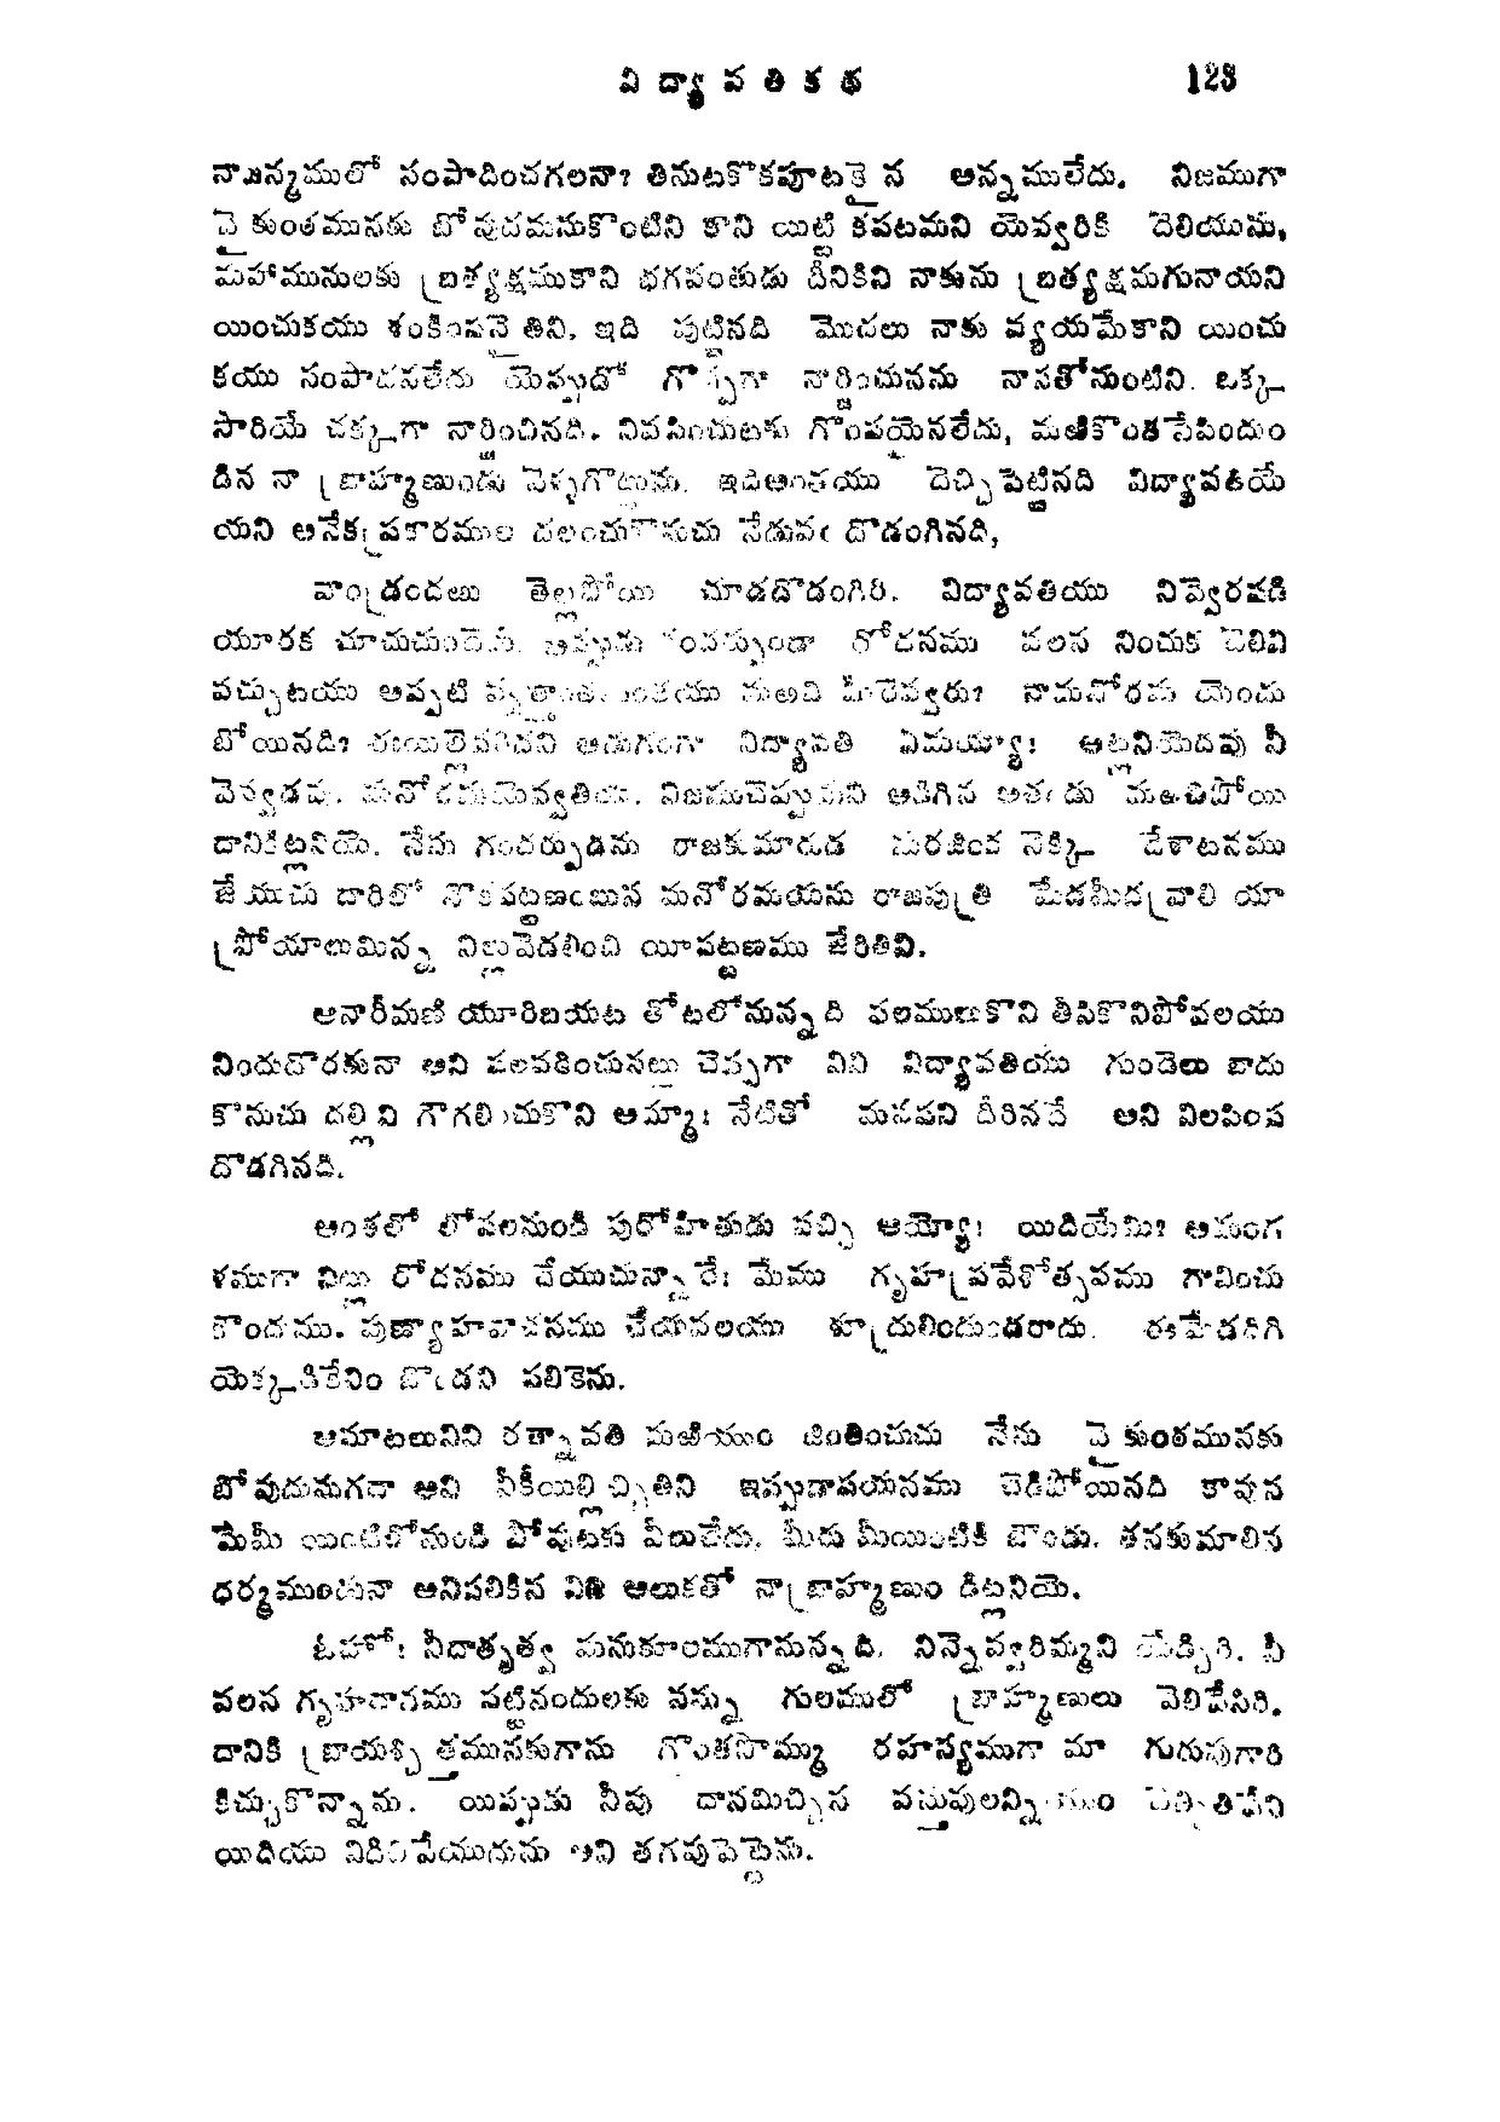నాజన్మములో సంపాదించగలనా? తినుటకొకపూటకైన అన్నములేదు. నిజముగా వైకుంఠమునకు బోవుదమనుకొంటిని కాని యిట్టి కపటమని యెవ్వరికి దెలియును. మహామునులకు బ్రత్యక్షముకాని భగవంతుడు దీనికిని నాకును బ్రత్యక్షమగునాయని యించుకయు శంకింపనైతిని, ఇది పుట్టినది మొదలు నాకు వ్యయమేకాని యించుకయు సంపాదనలేదు యెప్పుడో గొప్పగా నార్జించునను నాసతోనుంటిని. ఒక్కసారియే చక్కగా నార్జించినది. నివసించుటకు గొంపయైనలేదు, మఱికొంతసే పిందుండిన నా బ్రాహ్మణుండు వెళ్ళగొట్టును. ఇది అంతయు దెచ్చి పెట్టినది విద్యావతియే యని అనేకప్రకారముల దలంచుకొనుచు నేడువఁ దొడంగినది.

వాండ్రందఱు తెల్లపోయి చూడదొడంగిరి. విద్యావతియు నివ్వెరపడి యూరక చూచుచుండెను. అప్పుడు కందర్పుండా రోదనము వలన నించుక దెలివి వచ్చుటయు అప్పటి వృత్తాంతమంతయు మఱచి మీరెవ్వరు? నామనోరమ యెందు బోయినది? ఈయిల్లెవరిదని అడుగంగా విద్యాపతి ఏమయ్యా? అట్లనియెదవు నీ వెవ్వడవు. మనోరమ యెవ్వతియ. నిజముచెప్పుమని అడిగిన అతఁడు మఱచిపోయి దాని కిట్లనియె నేను గందర్పుడను రాజకుమారుడ మరజింక నెక్కి దేశాటనము జేయుచు దారిలో నొక పట్టణంబున మనోరమయను రాజపుత్రి మేడమీద వ్రాలి యా ప్రోయాలుమిన్న నిల్లువెడలించి యీపట్టణము జేరితిని.

ఆనారీమణి యూరిబయట తోటలోనున్నది ఫలములు కొని తీసికొనిపోవలయు నిందుదొరకునా అని పలవరించునట్లు చెప్పగా విని విద్యావతియు గుండెలు బాదుకొనుచు దల్లిని గౌగలించుకొని అమ్మా! నేటితో మనపని దీరినదే అని విలపింప దొడగినది.

అంతలో లోపలనుండి పురోహితుడు వచ్చి ఆయ్యో! యిదియేమి? అమంగళముగా నిట్లు రోదనము చేయుచున్నారే మేము గృహప్రవేశోత్సవము గావించుకొందము. పుణ్యాహవాచనము చేయవలయు శూద్రులిందుండరాదు. ఈమేడ దిగి యెక్కడికేనిం బొండని పలికెను.

ఆమాటలువిని రత్నావతి మఱియుం జింతించుచు నేను వైకుంఠమునకు బోవుదునుగదా అని నీకీయిల్లిచ్చితిని ఇప్పుడాపయనము చెడిపోయినది. కావున మేమీ యింటిలోనుండి పోవుటకు వీలులేదు. మీరు మీయింటికి బొండు. తనకుమాలిన ధర్మముండునా ఆనిపలికిన విని అలుకతో నా బ్రాహ్మణుం డిట్లనియె.

ఓహో! నీదాతృత్వ మనుకూలముగానున్నది. నిన్నెవ్వరిమ్మని యేడ్చిరి. నీ వలన గృహదానము పట్టినందులకు నన్ను గులములో బ్రాహ్మణులు వెలివేసిరి. దానికి బ్రాయశ్చిత్తమునకుగాను గొంతసొమ్ము రహస్యముగా మా గురువుగారి కిచ్చుకొన్నాను. యిప్పుడు నీవు దానమిచ్చిన వస్తువులన్నియుం దెచ్చితివేని యిదియు విడిచివేయుదును అని తగవుపెట్టెను.